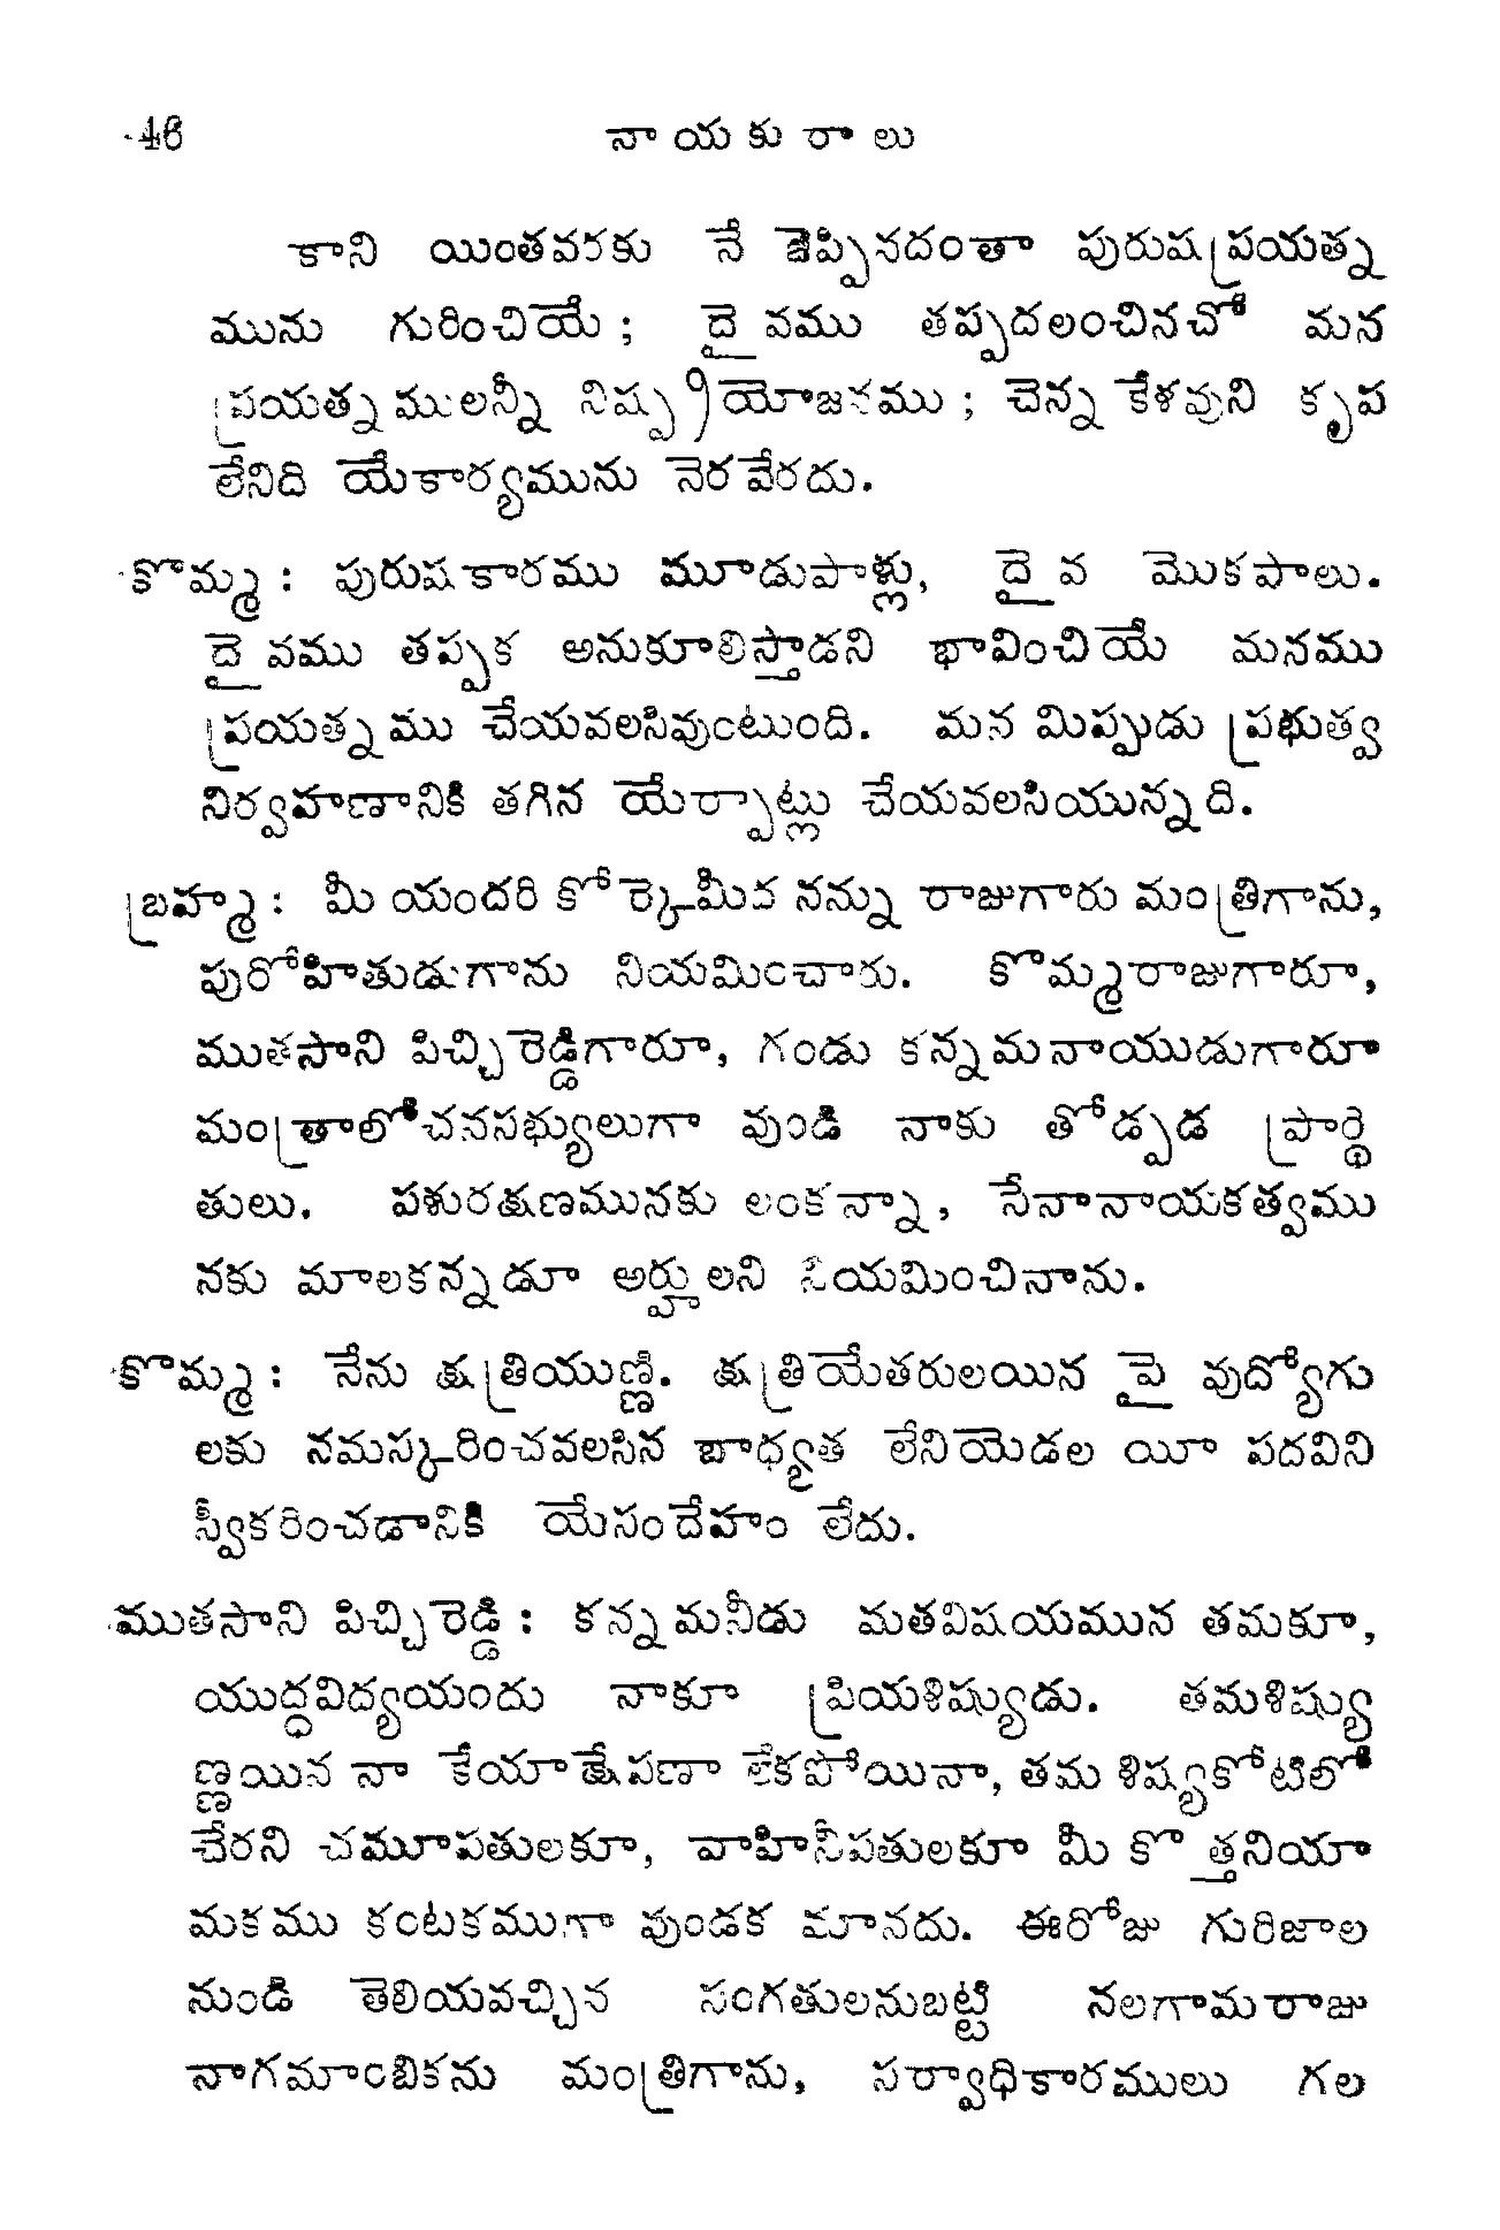కాని యింతవరకు నే జెప్పినదంతా పురుషప్రయత్నమును గురించియే; దై వము తప్పదలంచినచో మన ప్రయత్నములన్నీ నిష్ప్రయోజనము ; చెన్నకేశవుని కృపలేనిది యేకార్యమును నెరవేరదు.

కొమ్మ : పురుషకారము మూడుపాళ్లు, దైవ మొకపాలు. దైవము తప్పక అనుకూలిస్తాడని భావించియే మనము ప్రయత్నము చేయవలసివుంటుంది. మన మిప్పుడు ప్రభుత్వ నిర్వహణానికి తగిన యేర్పాట్లు చేయవలసియున్నది.

బ్రహ్మ : మీ యందరి కోర్కెమీద నన్ను రాజుగారు మంత్రిగాను, పురోహితుడుగాను నియమించారు. కొమ్మరాజుగారూ, ముతసాని పిచ్చిరెడ్డిగారూ, గండు కన్నమనాయుడుగారూ మంత్రాలోచనసభ్యులుగా వుండి నాకు తోడ్పడ ప్రార్థితులు. పశురక్షణమునకు లంకన్నా, సేనానాయకత్వమునకు మాలకన్నడూ అర్హులని నియమించినాను.

కొమ్మ : నేను క్షత్రియుణ్ణి. క్షత్రియేతరులయిన పై వుద్యోగులకు నమస్కరించవలసిన బాధ్యత లేనియెడల యీ పదవిని స్వీకరించడానికి యేసందేహం లేదు.

ముతసాని పిచ్చిరెడ్డి : కన్నమనీడు మతవిషయమున తమకూ, యుద్ధవిద్యయందు నాకూ ప్రియశిష్యుడు. తమశిష్యుణ్ణయిన నా కేయాక్షేపణా లేకపోయినా, తమ శిష్యకోటిలో చేరని చమూపతులకూ, వాహినీపతులకూ మీ కొ త్తనియామకము కంటకముగా వుండక మానదు. ఈరోజు గురిజాల నుండి తెలియవచ్చిన సంగతులనుబట్టి నలగామరాజు నాగమాంబికను మంత్రిగాను, సర్వాధికారములు గల